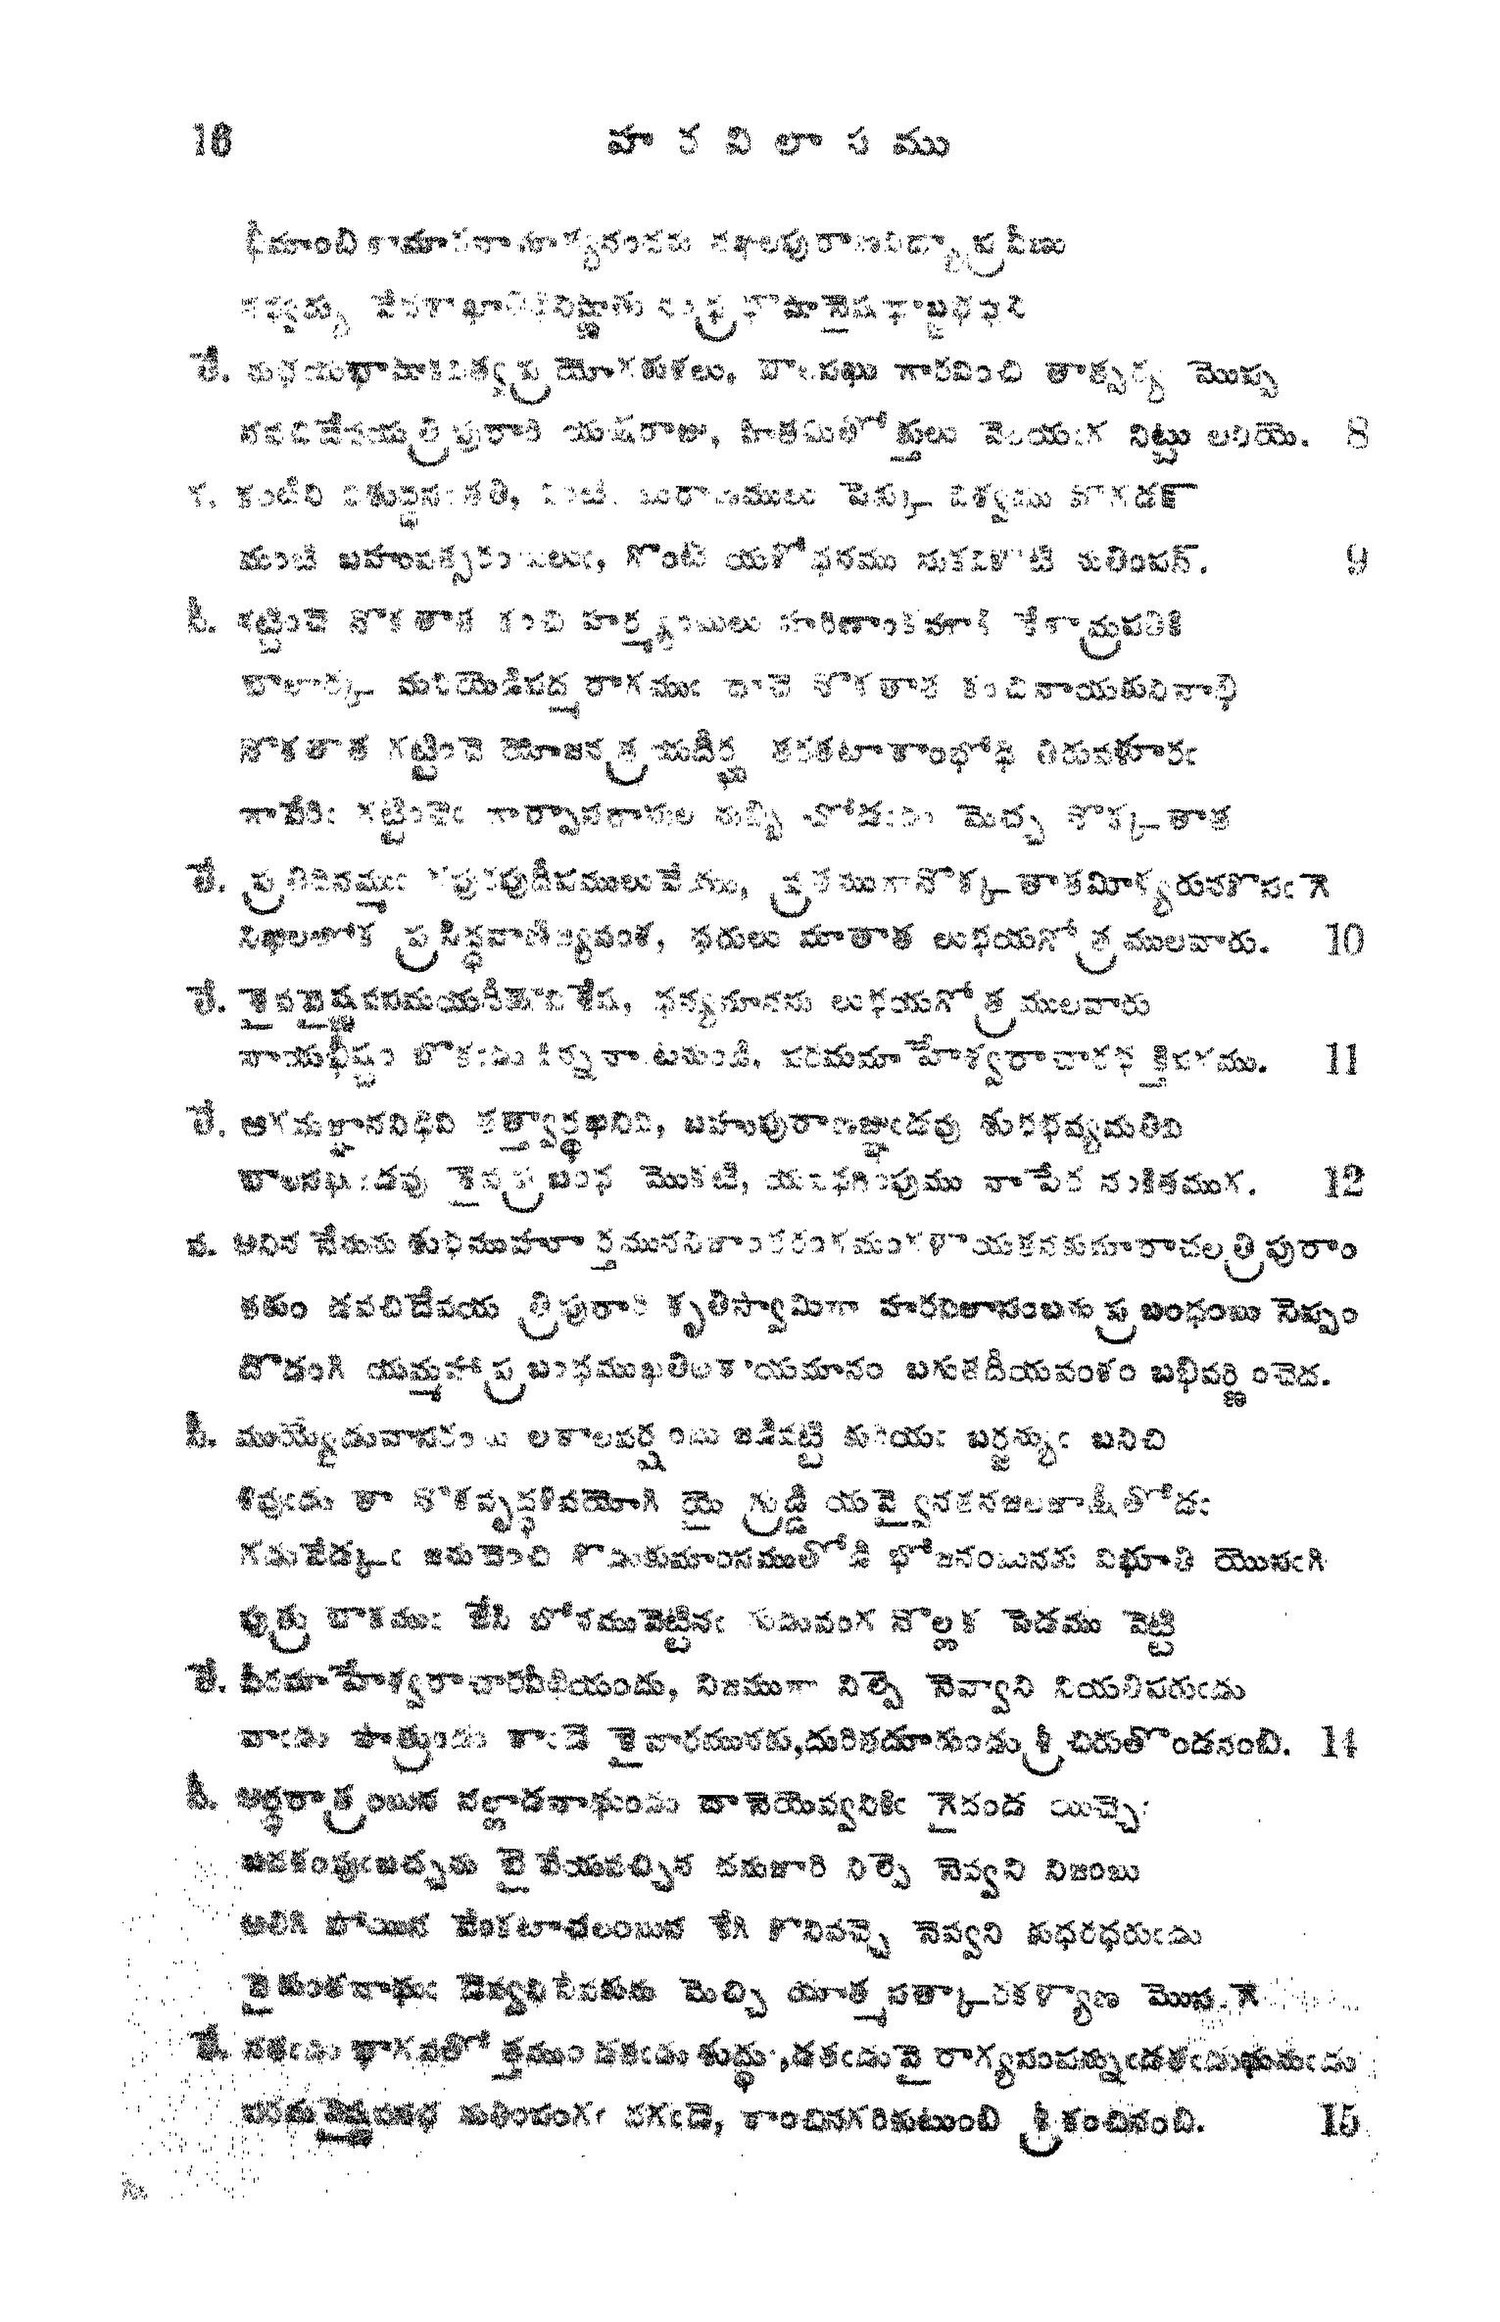భీమాంబికామారనామాత్యనందను,
నఖిలపురాణవిద్యాప్రవీణు
నధ్వర్యు, వేదశాఖాధీతినిష్ణాతు,
నంధ్రభాషానైషధాబ్జభవుని,
తే. నుభయభాషాకవిత్వప్రయోగకుశలు,
బాలసఖు గారవించి, తాత్పర్య మొప్ప
నవచి త్రిపురాంతకుం డలకాధిరాజు
హితమతోక్తులు వెలయంగ నిట్టు లనియె. 8

క. కంటిని విశుద్ధసంతతి,
వింటిఁ బురాణములు పెక్కు, విశ్వము వొగడన్,
మంటి బహువత్సరంబులు,
గొంటి యశోధనము సుకవికోటులచేతన్. 9

సీ. కట్టించె నొకతాత కంచిహర్మ్యంబులు
హరిణాంకమౌళి కేకామ్రపతికి
బాలార్క మనియెడి పద్మరాగముఁ దాచె
నొకతాత కంచి నాయకుని నాభి
నొకతాత కట్టించె యోజనత్రయదీర్ఘ
తరతటాకాంబోధి తిరువళూరఁ
గావేరిఁ గట్టించెఁ గార్పాసరాసుల
నుబ్బి చోడఁడు మెచ్చ నొక్క తాత
తే. ప్రతిదినమ్మును గపురదీపములు వేయు
వ్రతముగా నొక్క తాత యీశ్వరున కొసఁగె
నిఖిలలోకప్రసిద్ధవాణిజ్యవంశ
ధరులు మా తాత లుభయగోత్రములయందు. 10

తే. శైవవైష్ణవసమయదీక్షావిశేష
ధన్యమానసు లుభయగోత్రములవారు
నాయభీష్టం బొకఁడు పిన్ననాఁట నుండి
పరమమాహేశ్వరాచారభక్తిపరత. 11

తే. ఆగమజ్ఞాననిధివి, తత్త్వార్ధఖనివి,
బహుపురాణజ్ఞుఁడవు, శుభభవ్యమతివి,
బాలసఖుఁడవు, శైవప్రబంధ మొకటి
యవధరింపుము నాపేర నంకితముగ. 12

వ. అనిన నేనును శుభముహూర్తమున నిజాంతరంగ మంగళాయత నాధిష్ఠిత కుమారాచల త్రిపురాంతకుం డవచి త్రిపురాంతకుండు కృతిస్వామిగా హరవిలాసం బను ప్రబంధంబు సెప్పం దొడంగి యమ్మహాప్రబంధముఖతిలకాయమానంబగు తదీయవంశం బభివర్ణించెద.

కృతిపతి వంశాభివర్ణనము
సీ. ముయ్యేడు వాసరంబు లకాలవర్షంబు
జడిపట్టి కురియఁ బర్జన్యుఁ బనిచి
తా నొక్కరుఁడు దక్కఁ దక్కొక్క శివయోగి
యూర లేకుండంగ మేర వెట్టి
కడవంగఁ బెట్టిన కొడుకు మాంసముతోడి
భోజనంబునకు విభూతి యొసఁగి
పుత్రుఁ బాకముఁ జేసి బోనము వెట్టినఁ
గుడువంగ నొల్లక పెడము వెట్టి
తే. వీరమాహేశ్వరాచారవీథియందు
నిజము గనిపించె నెవ్వాని నీలగళుఁడు
వాఁడు పాత్రుండు కాఁడె కైవారమునకు
దురితదూరుండు శ్రీ చిరుతొండనంబి. 14

సీ. అర్ధరాత్రంబున నల్లాడనాథుండు
దానె యెవ్వనికిఁ గైదండ యిచ్చెఁ
బదకంపుఁబచ్చను బై వేయవచ్చిన
దనుజారి నిల్పె నెవ్వని నిజంబు
అలిగి పోయిన వేంకటాచలంబున కేఁగి
కొనివచ్చె నెవ్వనిఁ గుధరధరుఁడు,
వైకుంఠనాథుఁ డెవ్వని సేవకును మెచ్చి
యాత్మసత్కారకల్యాణ మొసఁగె
తే. నతఁడు భాగవతోత్తముఁ, డతఁడు శుద్ధుఁ,
డతఁడు వైరాగ్యసంపన్నుఁ, డతఁడు ఘనుఁడు
పరమవైష్ణవసభ నుతింపంగఁ దగఁడె
కాంచినగరి కుటుంబి శ్రీ కంచినంబి.